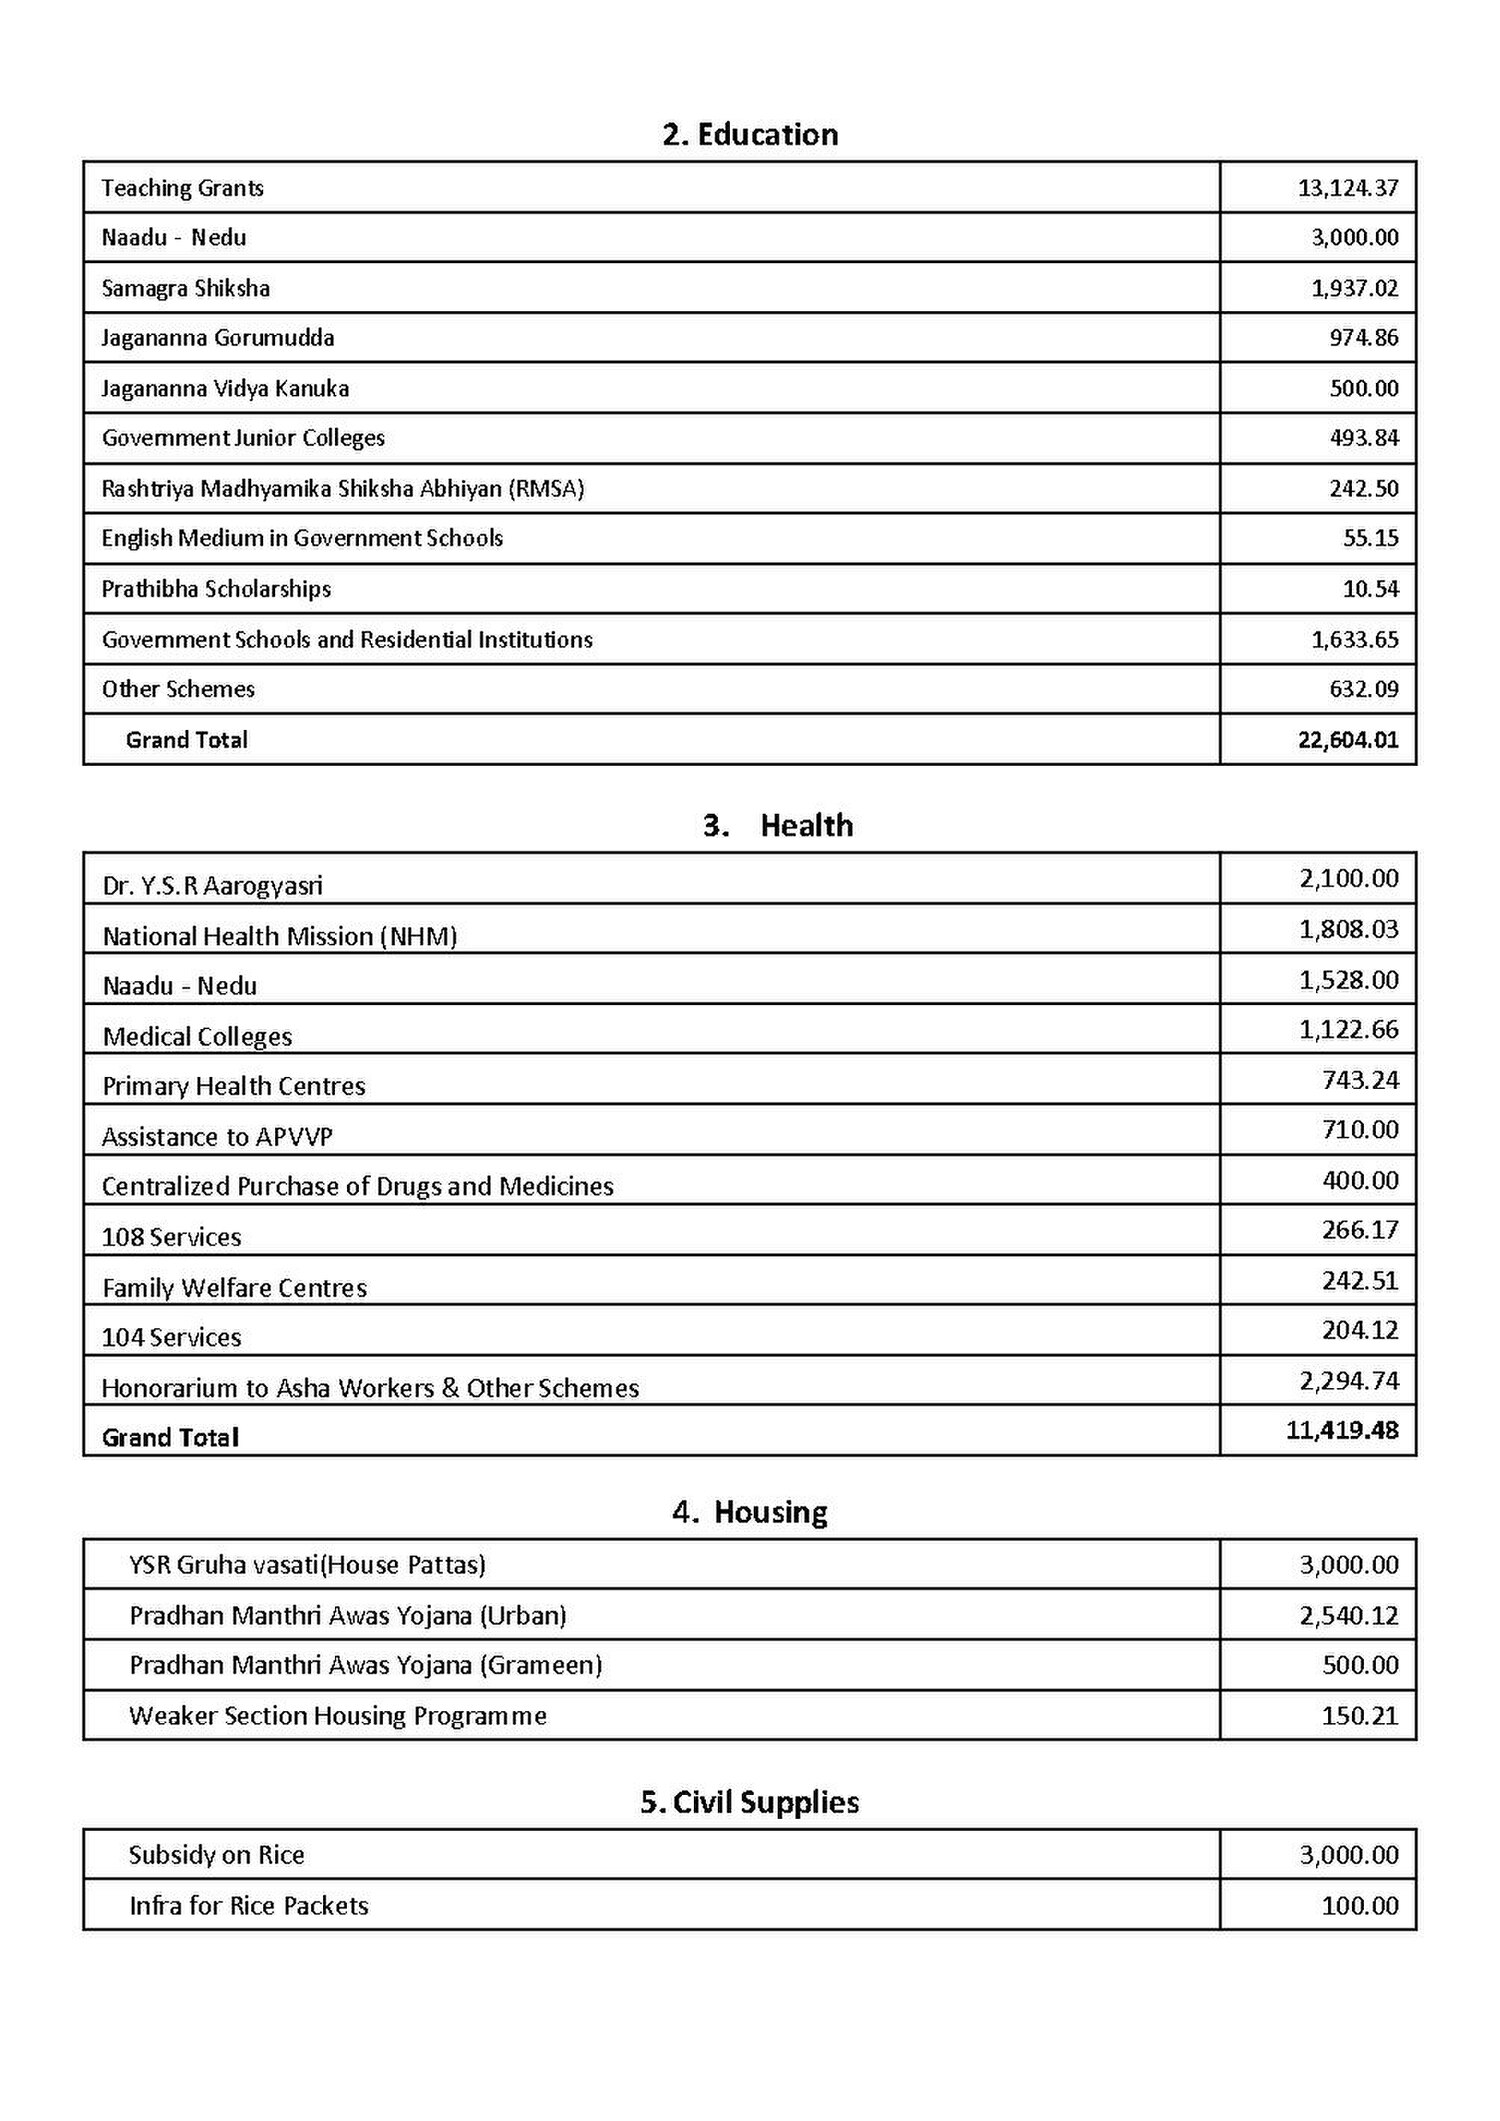2. Education
 Teaching Grants 13124.37 Naadu - Nedu 3000 Samagra Shiksha 1937.02 Jagananna Gorumudda 974.86 Jagananna Vidya Kanuka 500 Government Junior Colleges 493.84 Rashtriya Madhyamika Shiksha Abhiyan (RMSA) 242.5 English Medium in Government Schools 55.15 Prathibha Scholarships 10.54 Government Schools and Residential Institutions 1633.65 Other Schemes 632.09 Grand Total 22604.01

3. Health

 Dr. Y.S.R Aarogyasri 2100 National Health Mission (NHM) 1808.03 Naadu - Nedu 1528 Medical Colleges 1122.66 Primary Health Centres 743.24 Assistance to APVVP 710 Centralized Purchase of Drugs and Medicines 400 108 Services 266.17 Family Welfare Centres 242.51 104 Services 204.12 Honorarium to Asha Workers & Other Schemes 2294.74 Grand Total 11419.48

4. Housing

 YSR Gruha vasati(House Pattas) 3000 Pradhan Manthri Awas Yojana (Urban) 2540.12 Pradhan Manthri Awas Yojana (Grameen) 500 Weaker Section Housing Programme 150.21

5. Civil Supplies

Subsidy on Rice3000 Infra for Rice Packets 100